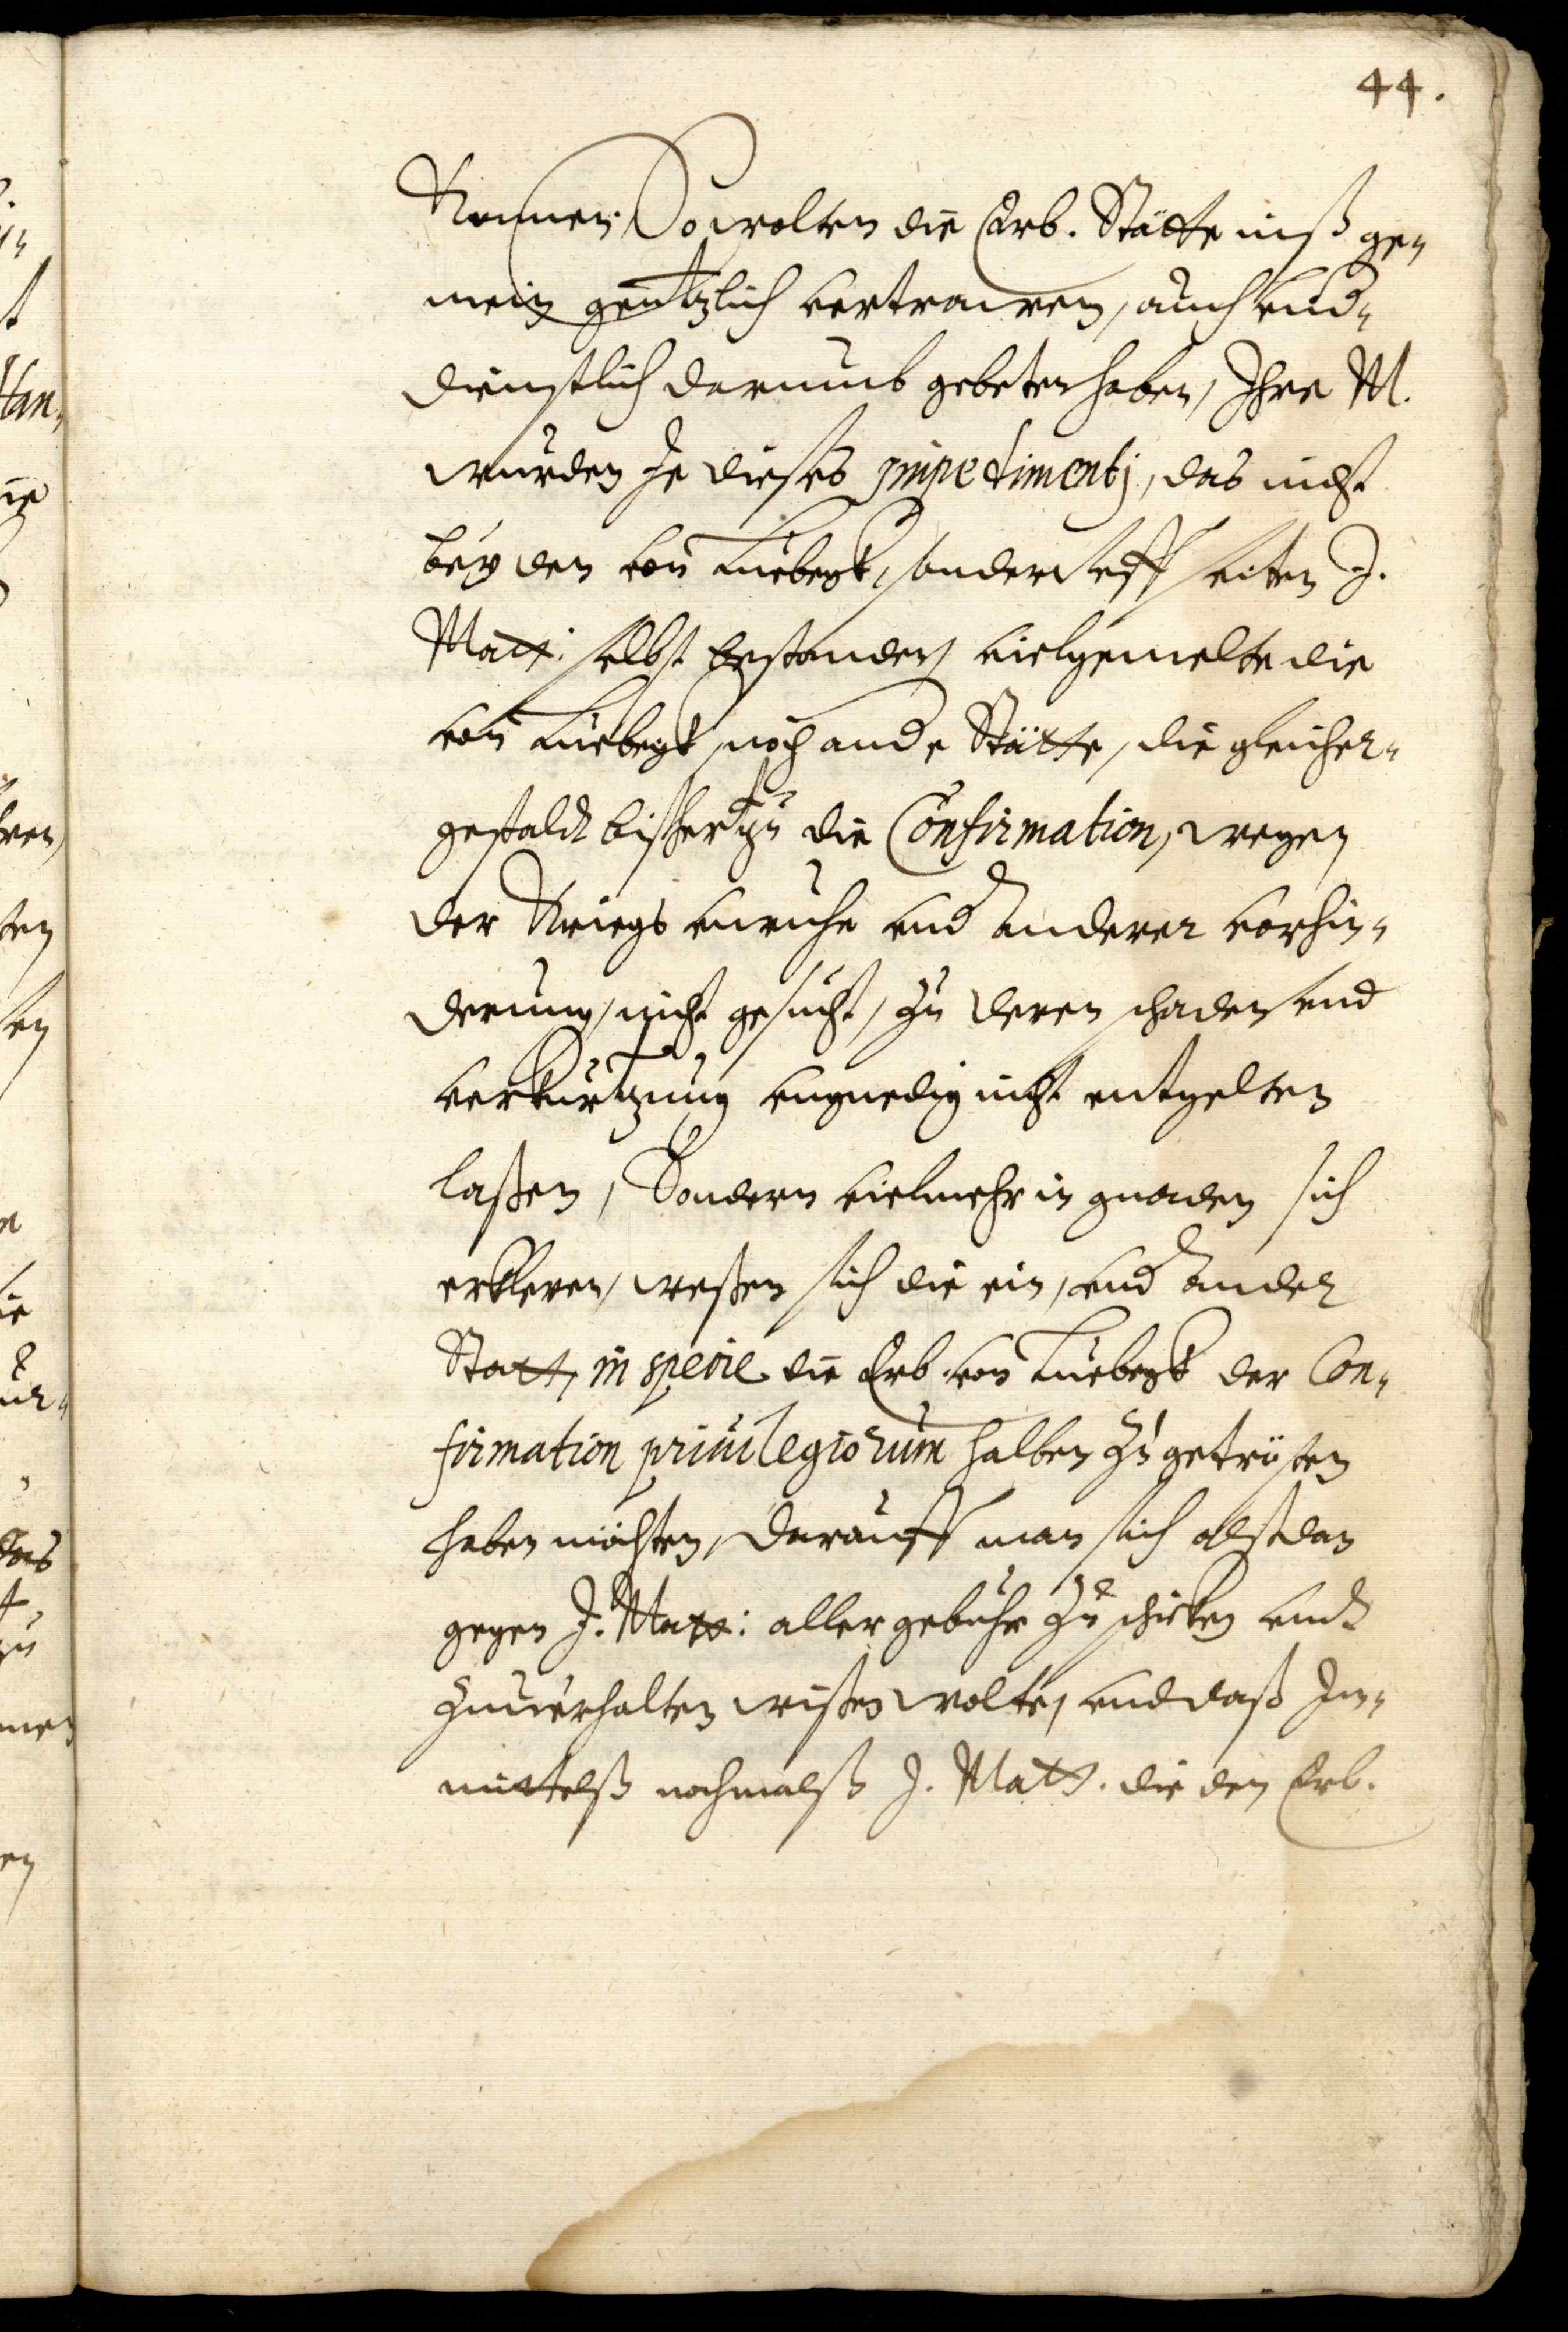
44.
kamen So wolten die Erb. Stätte inß ge¬
meinen gentzlich vertrawen, auch ender¬
dienstlich darumb gebeten haben, Ihre M.
wurden Je dieses Impedimentus, das nicht
beij den von Lubegk, sonder???? seiten I.
Matt: selbst bestanden vielgemelte die
von Lubegk, noch andere Stätte, die gleicher¬
gestalt bishertzu die Confirmation wegen
der Kriegs vnruhe vnd Anderer vorhin¬
derung, nicht gesucht, zu deren schaden vnd
verkurtzung vngnedig nicht entgelten
laßen, Sondern vielmehr in gnaden sich
erkleren, weßsen sich die ein, vnd Ander
Statt, in specie die Erb. von Lubegk der Con¬
firmation privilegiorum halben zu getrüsen
haben möchten, darauff man sich alsdan
gegen I. Matt: aller gebuhr zu schicken vnd
zuuerhalten wißen wolte, vnd daß In¬
mittelß nochmalß I. Matt: die den Erb.
